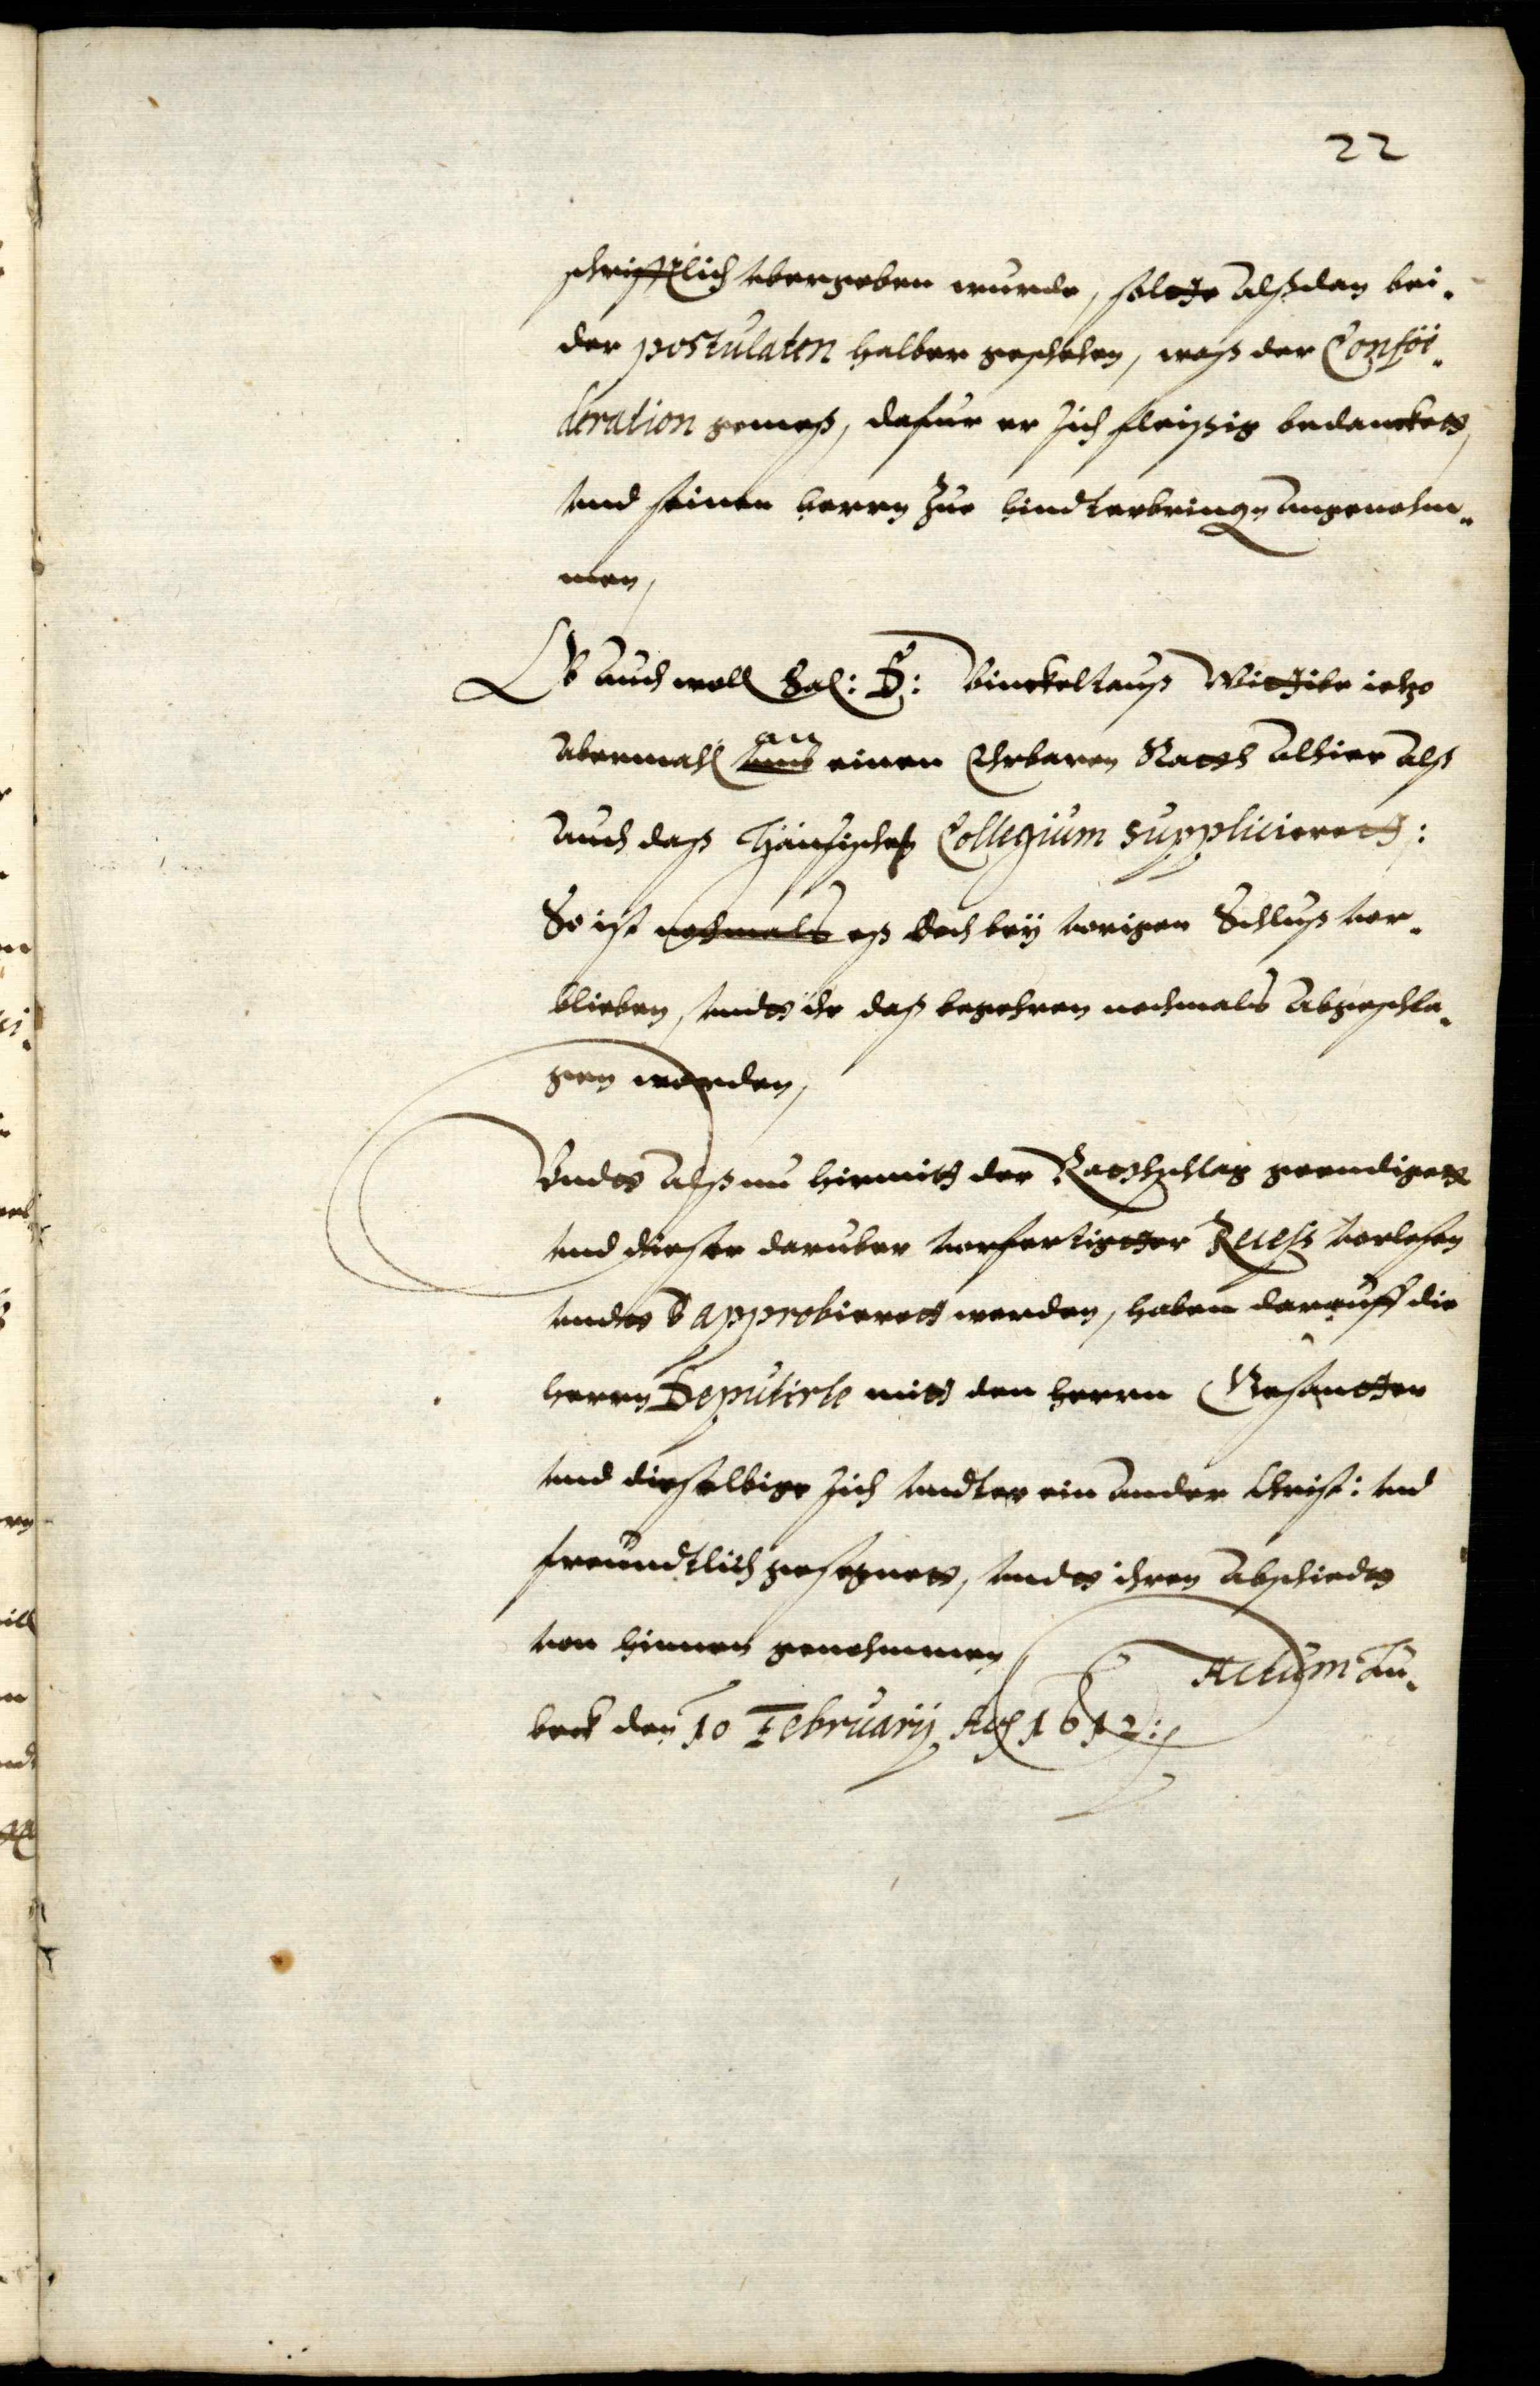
22
schrifftlich vbergeben wurde, soltte Alßdan bei¬
der postulaten halber geschehen, waß der Conföe¬
deration gemeß, dafur er sich fleißig bedanckett,
und seinen herren zue hindterbringen Angenohm¬
men,
Ob Auch woll Sal: D: Vinckeltauß Wittibe ietzo
Abermahl vmb an einen Ehrbaren Ratth Alhier Alß
Auch daß Hänsischen Collegium supplicierett:
So ist nochmals eß doch beij vorigen Schluß vor¬
blieben, vndtt do daß begehren nochmals Abgeschla¬
gen worden,
Vndtt Alß nu hirmitt der Rathschlag geendigett
vnd dieser daruber verfertigtter Recess vorlesen
vndtt a approbierett worden, haben darauff die
herrn Deputirte mitt den herrn Gesantten
vnd dieselbige sich vndter ein ander Christ: vnd
freundtlich gesegnett, vndtt ihren Abschiedtt
von hinnen genohmmen, Actum Lu¬
beck den 10 Februarij Ao 1612 :p
